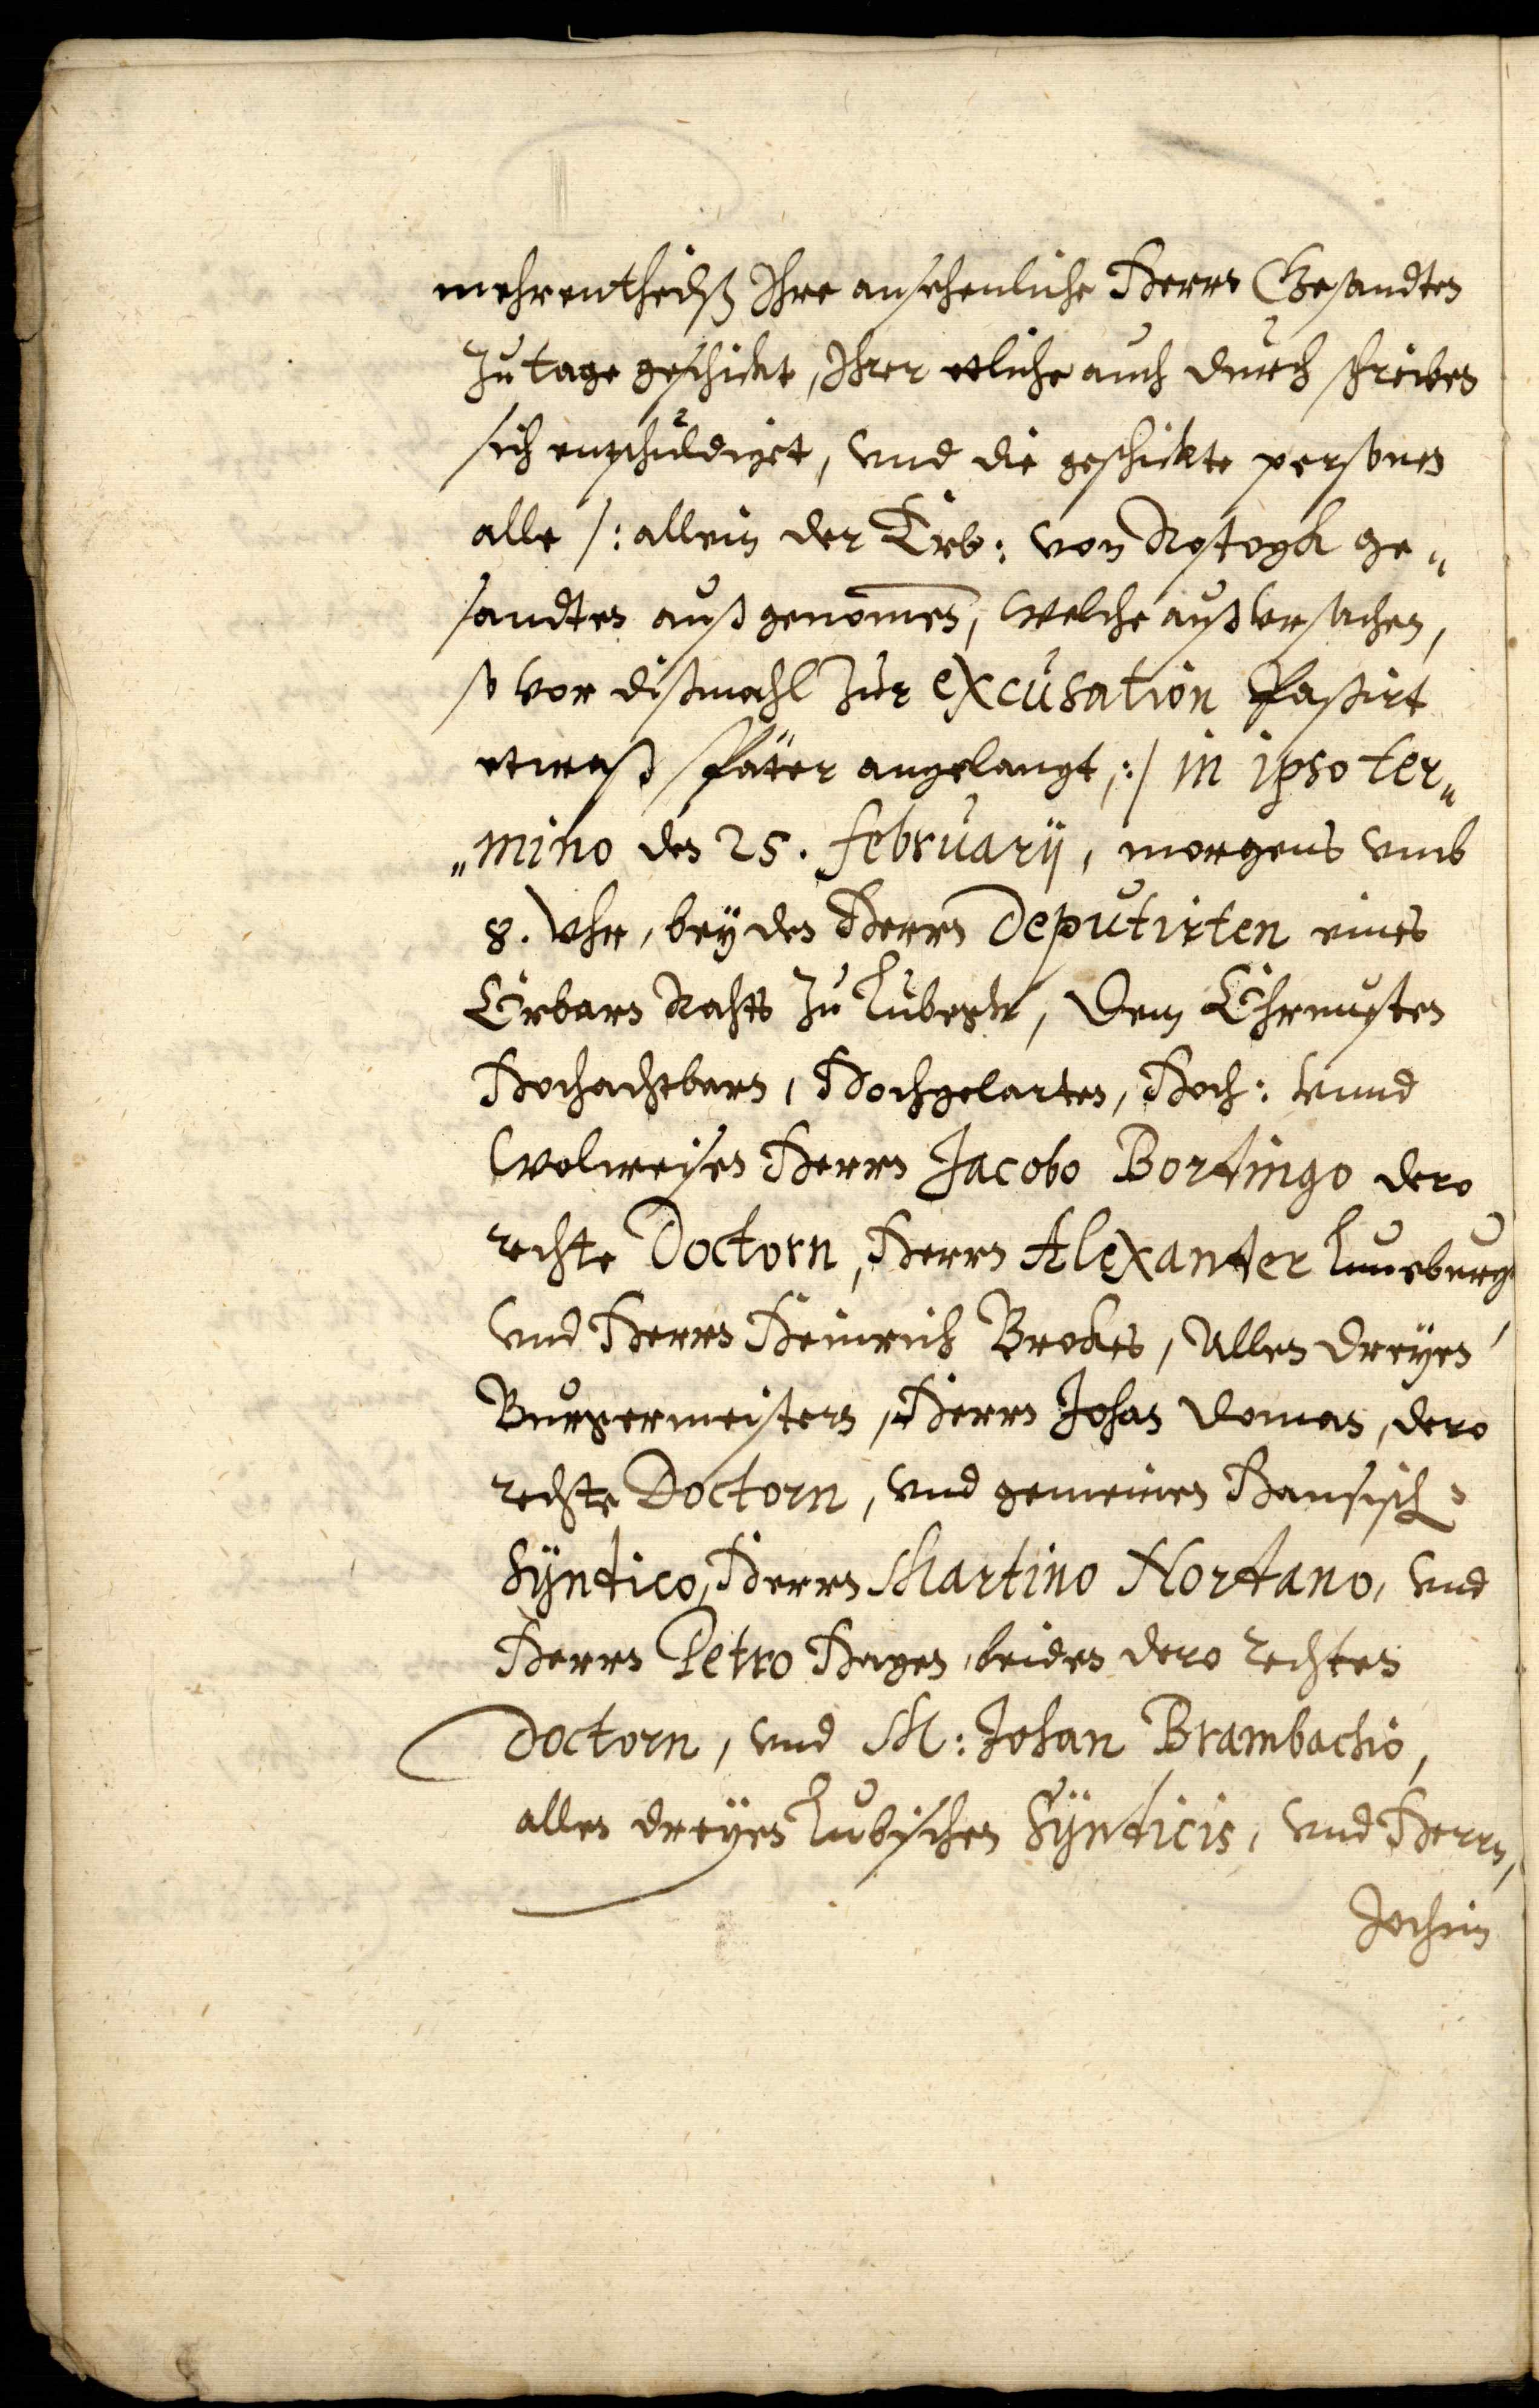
mehrentheilß Ihre ansehenliche Herrn Gesandten
zu tage geschickt, Ihrer etliche auch durch schreiben
sich entschuldiget, vnd die geschickte personen,
alle /: allein der Erb: von Rostogk ge¬
sandten außgenommen, welche auß vrsachen,
so vor dißmahl zur excusation Paßirt
etwaß später angelangt, :/ in ipso ter¬
mino den 25. Februarij, morgens vmb
8. vhr, beij den Herrn deputirten eines
Erbarn Rahts zu Lubegk, dem Ehrnuesten
Hochachtbarn, Hochgelarten, Hoch: vnnd
Wolweisen Herrn Jacobo Bortingo dero
rechte Doctorn, Herrn Alexander Luneburg,
vnd Herrn Heinrich Brokes, Allen dreijen
Burgermeistern, Herrn Johan Doman, dero
rechte Doctorn, vnd gemeinen Hansischen
Sijndico, Herrn Martino Nordano, vnd
Herrn Petro Hagen, beiden dero rechten
Doctorn, vnd M: Johan Brambachio,
allen dreijen Lubischen Sijndicis, vnd Herrn,
Jochim
